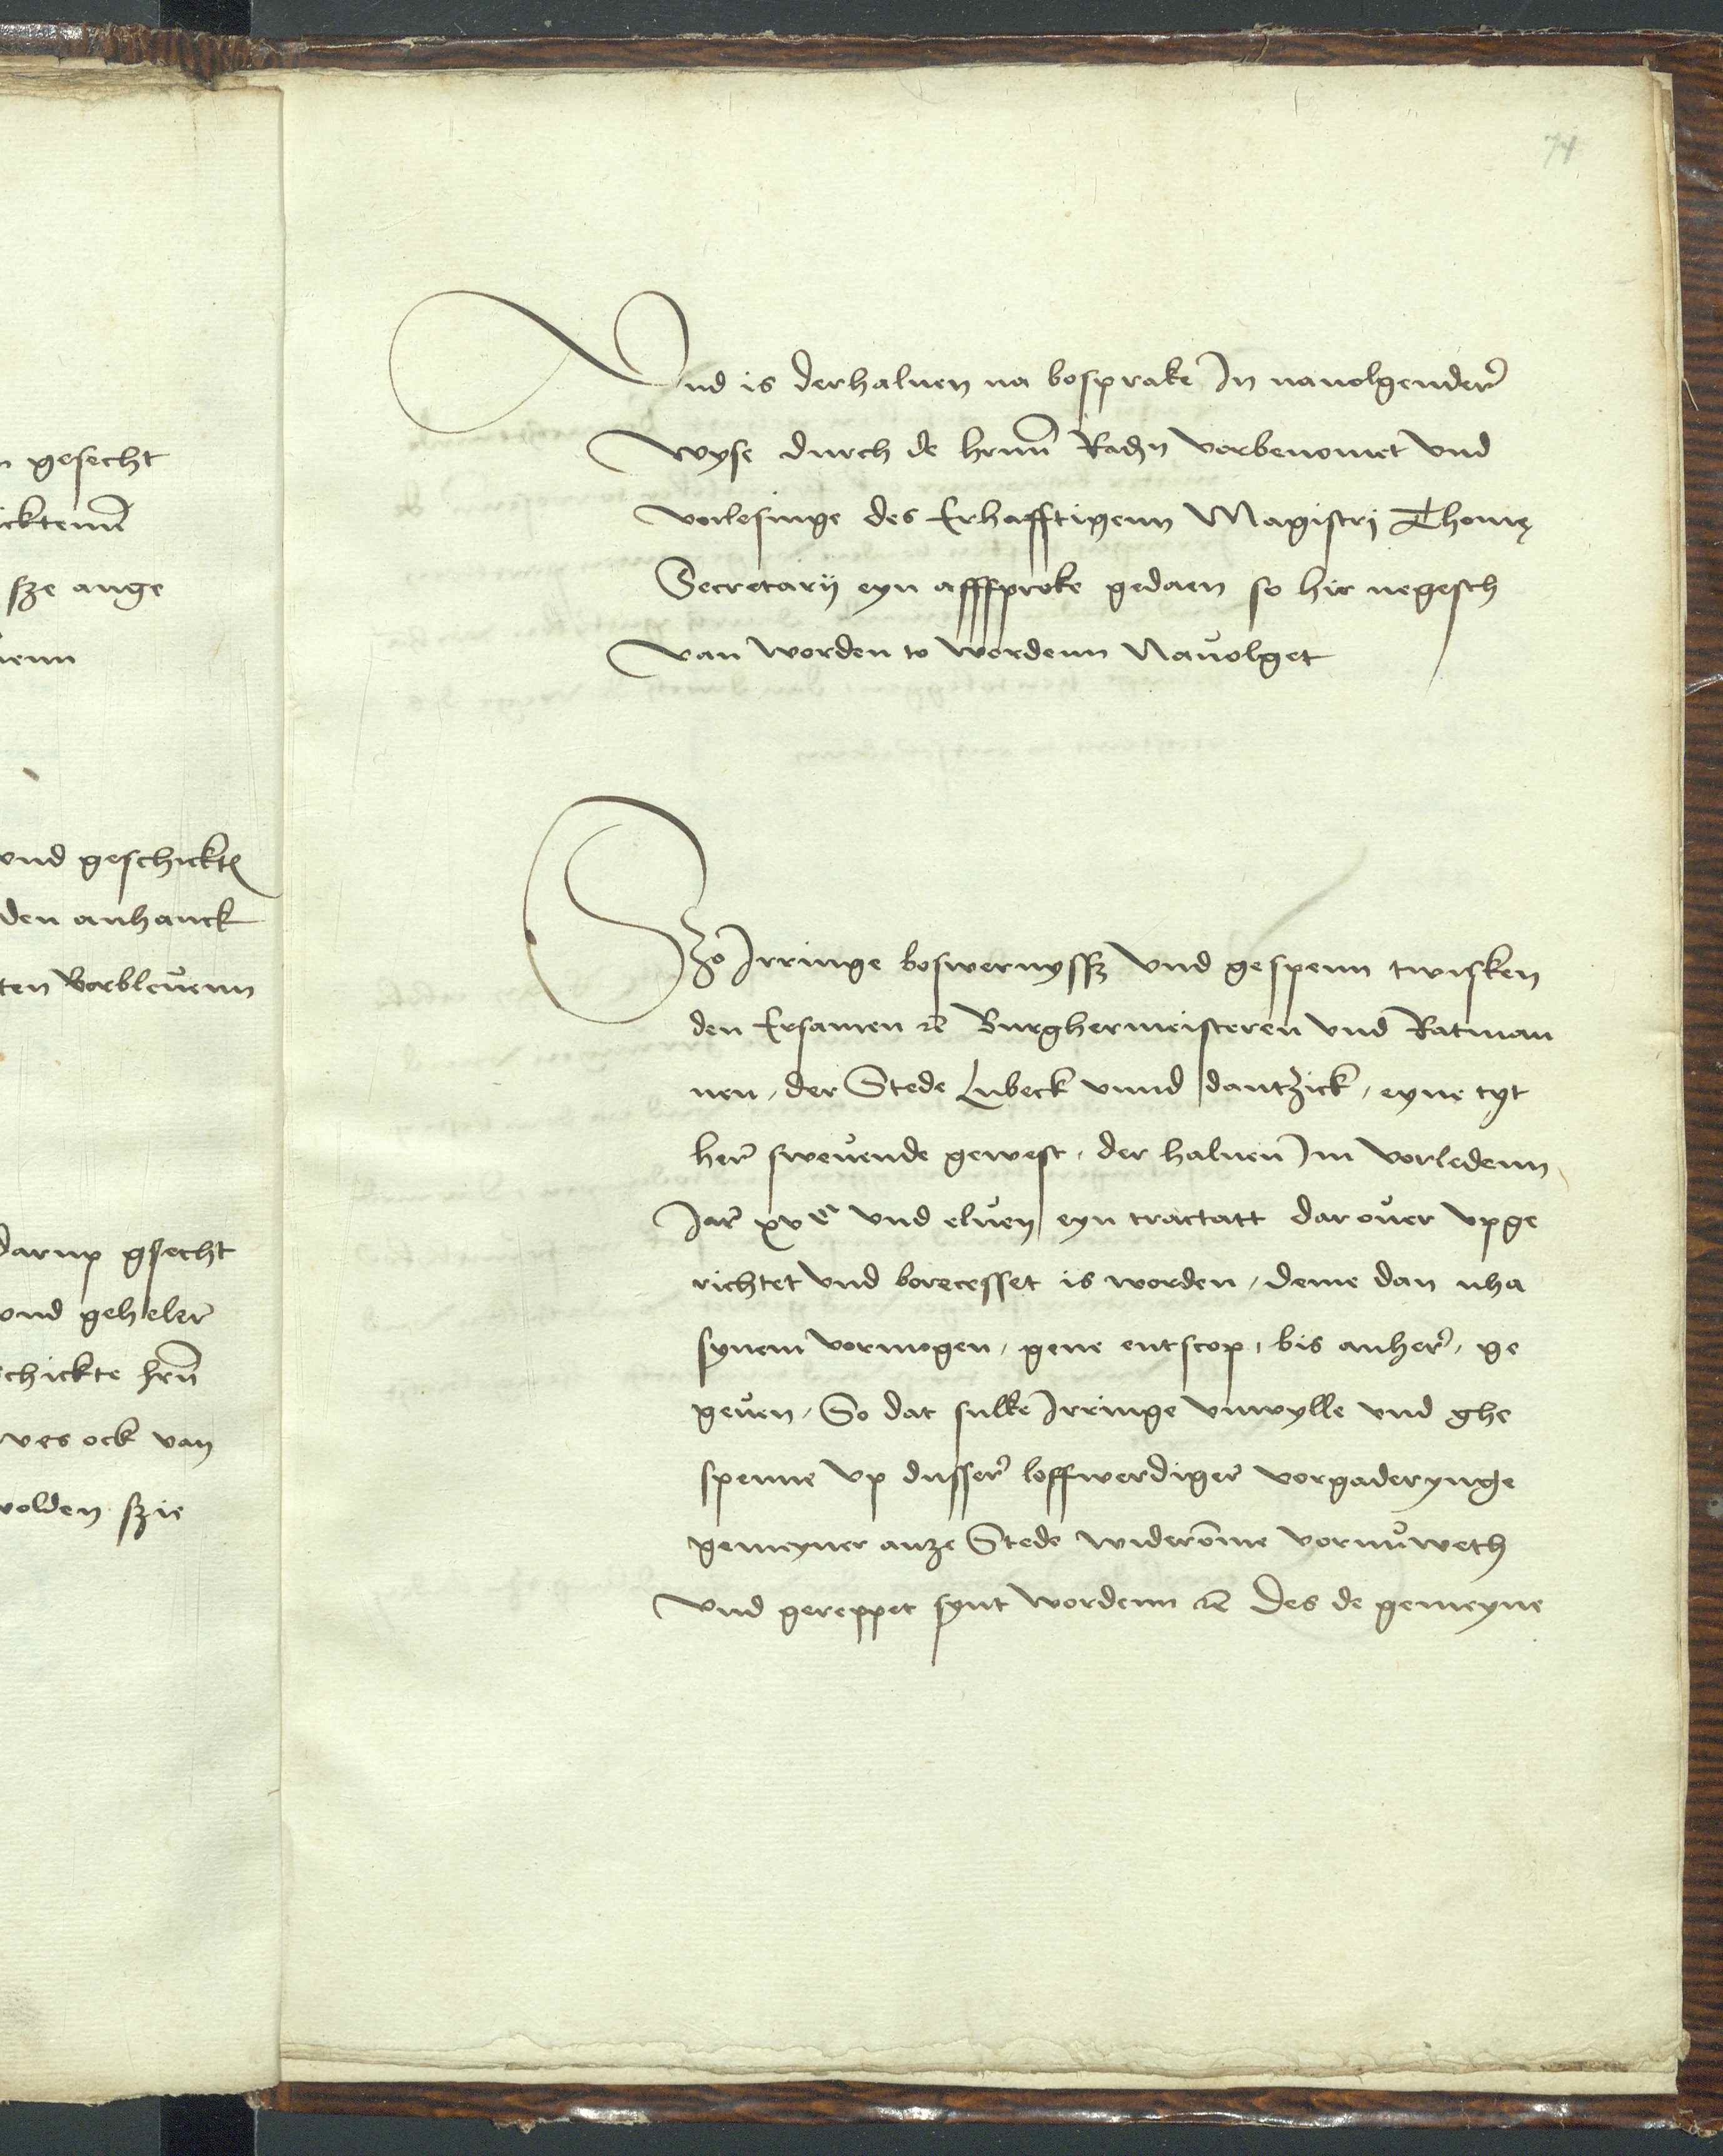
Vnd is derhaluen na bosprake Jn nauolgender
wyse durch de hernn Radessendebaden vorbenomet vnd
vorlesinge des Erhafftigenn Magistrj Thome
Secretarij eyn affsprocke gedaen so hir negesth
van worden to worden Nauolget
Szo Jrringe boswernyssz vnd gespenn twisken
den Ersamen etc Burghermeisteren vnd Ratman¬
nen, der Stede Lubeck vnnd dantzick, eyne tyt
her sweuende gewest, der haluen Jm vorladenn
Jar xv c vnd eluen eyn tractatt darouer vpge¬
richtet vnd boreresset is worden, deme dan nha
synem vormogen, gene entscop, bis anher, ge¬
geuen, So hat sulke Jrringe vnwylle vnd ghe¬
spenne vp dusser loffwerdiger vorgaderynge
gemeyner anze Stede wideromme vornuweth
vnd gereppet synt wordenn etc des de gemeyne
